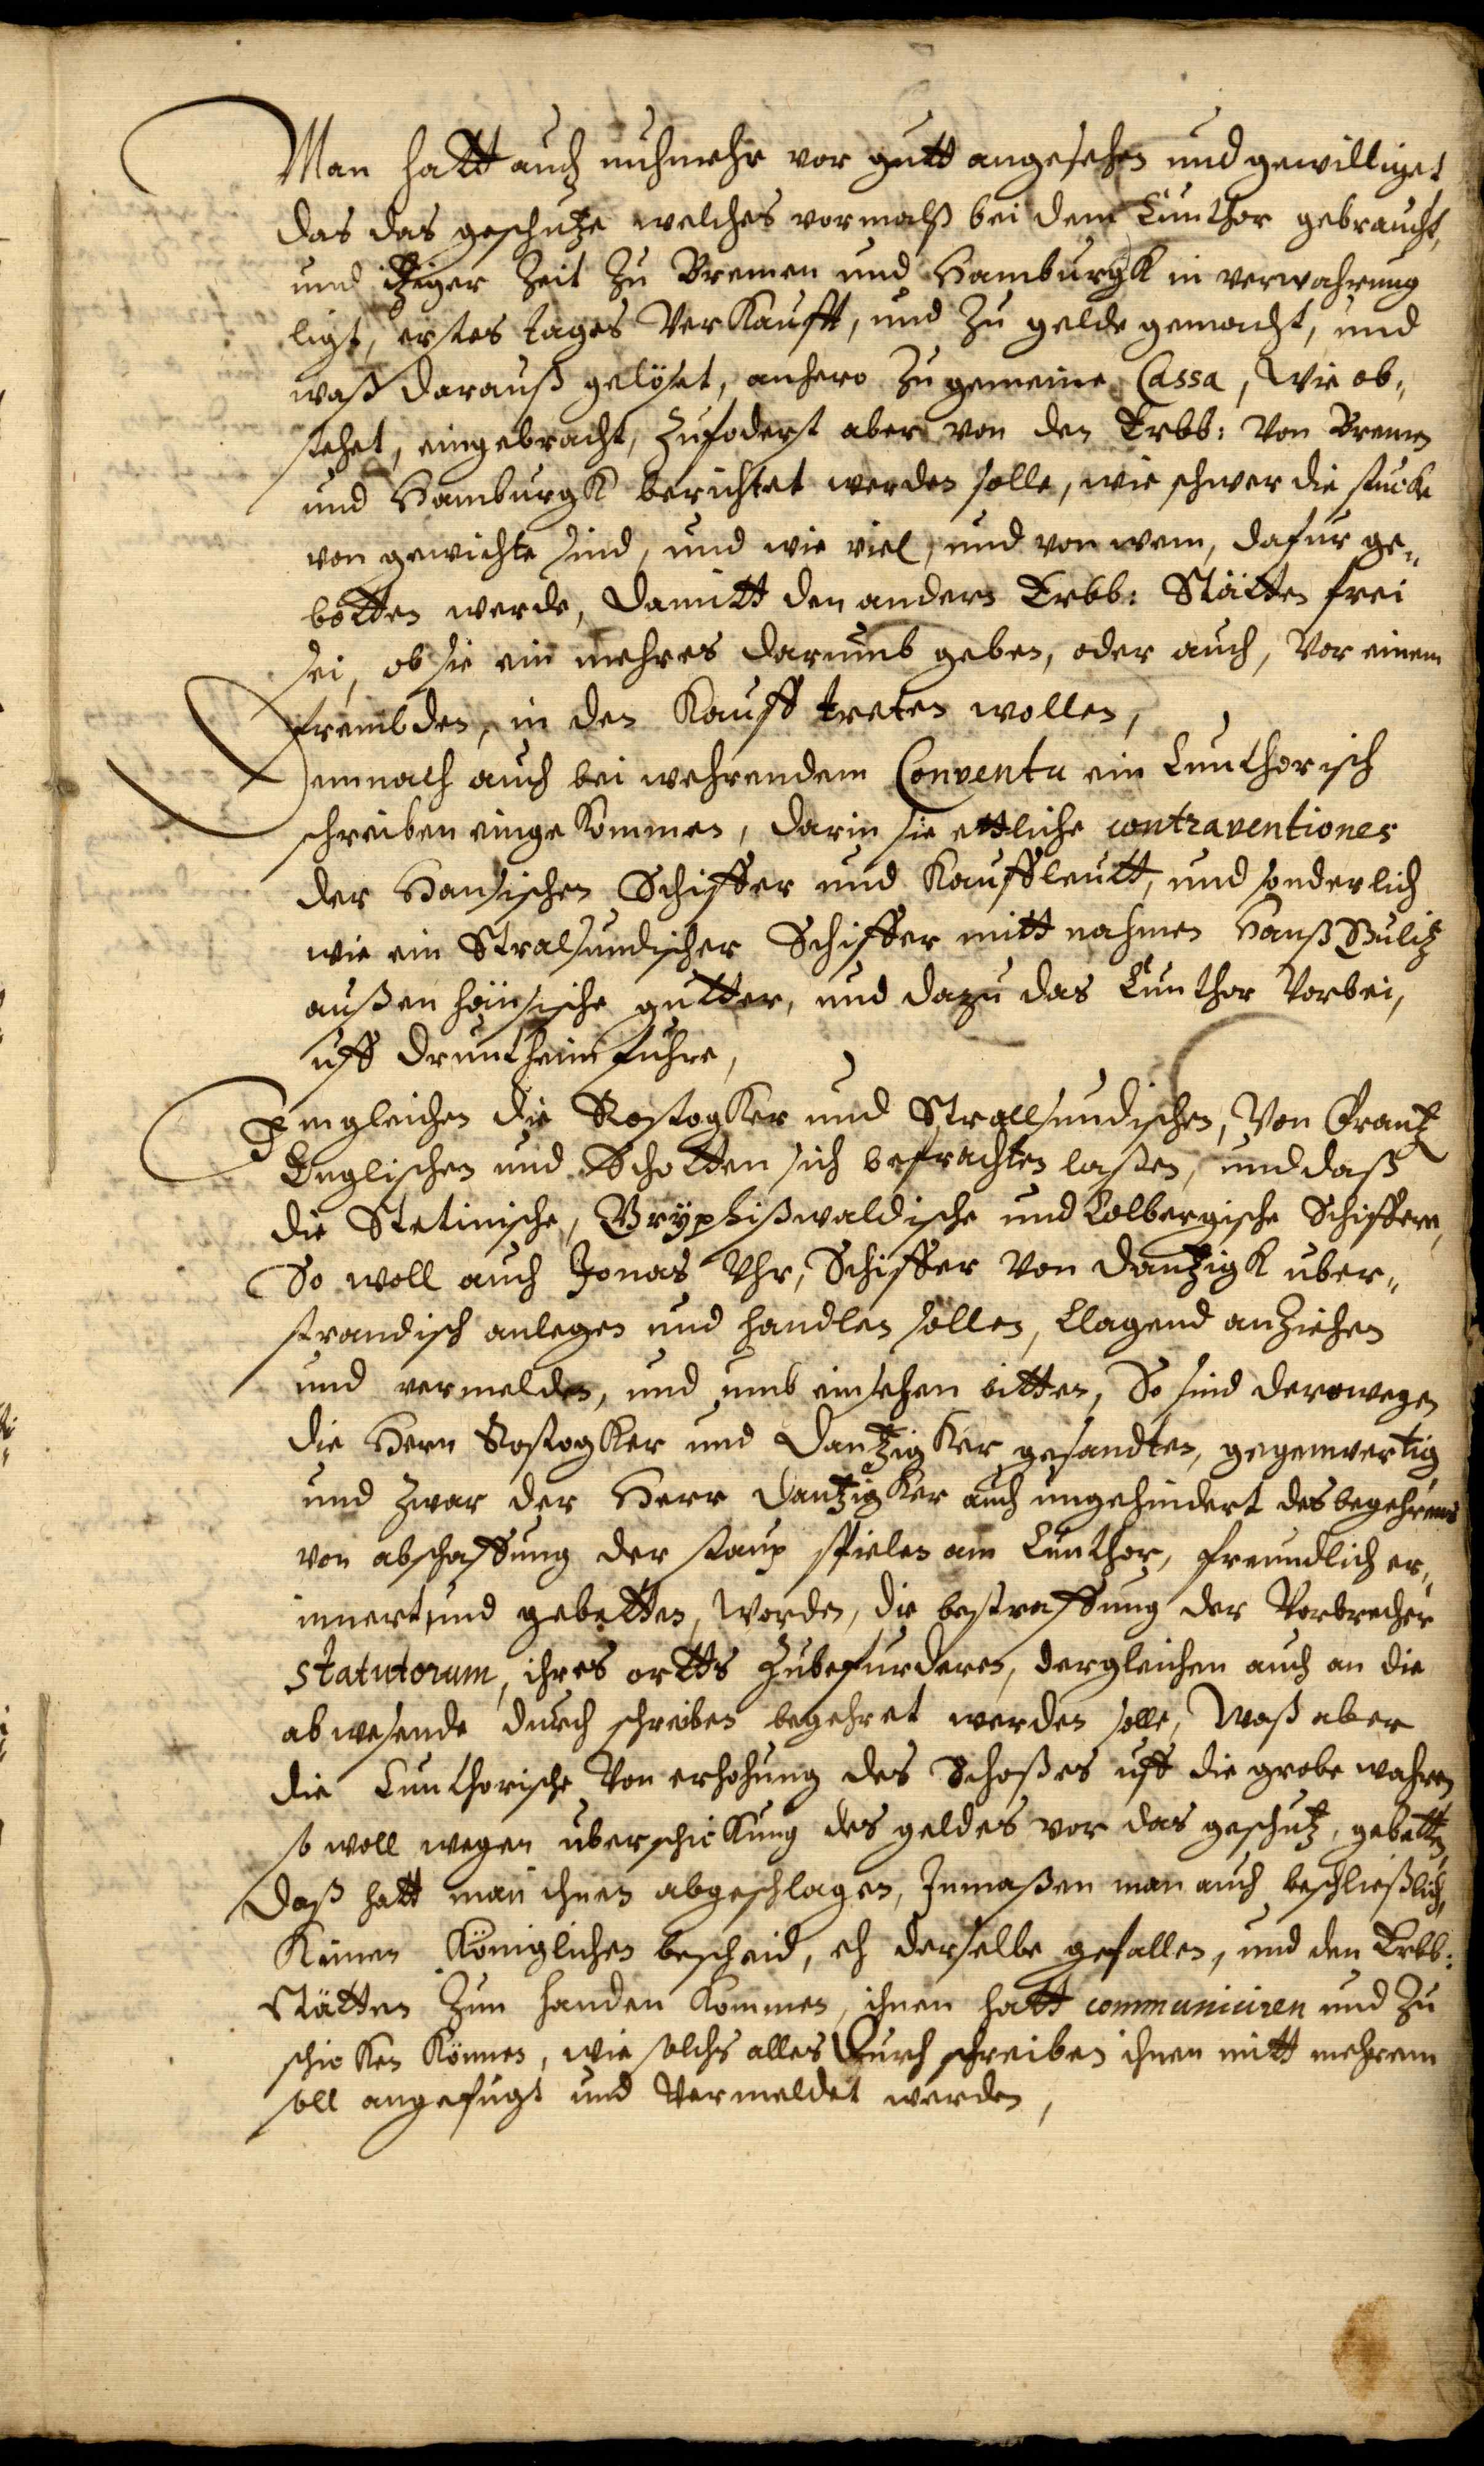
Man hatt auch nuhmehr vor gutt angesehen und gewilliget,
das das geschutze welches vormalß bei dem Cunthor gebraucht,
und itziger Zeit zu Bremen und Hamburgk in verwahrung
ligt, erstes tages Verkaufft, und zu gelde gemacht, vnd
waß darauß gelöset, anhero zu gemeine Cassa, Wie ob¬
stehet, eingebracht, zuforderst aber von den Erbb: von Bremen
und Hamburgk berichtet werden solle, wie schwer die stucke
von gewichte sind, und wie viel, und von wem, dafur ge¬
botten werde, damitt den andern Erbb: Stätten frei
sei, ob sie ein mehres darumb geben, oder auch, vor einem
frembden, in den Kauff treten wollen,
Demnach auch bei wehrendem Conventu ein Cunthorisch
schreiben eingekommen, darin sie ettliche contraventiones
der Hansischen Schiffer vnd Kauffleutt, und sonderlich
wie ein Stralsundischer Schiffer mitt nahmen Hanß Gulitz
außen hänsische gutter, und dazu das Cunthor Vorbei,
uff Druntheim fuhre,
Imgleichen die Rostogker und Strallsundischen, von Frantzen
Englischen und Schotten sich befrachten laßen, und daß
die Stetinische, Grijphißwaldische und Colbergische Schiffern,
So woll auch Jonas Vhr, Schiffer von Dantzigk uber¬
strandisch anlegen und handlen sollen, Clagend anziehen
vnd vermelden, und umb einsehen bitten, So sind derowegen
die Hern Rostogker und Dantzigker gesandten, gegenwertig
und zwar der Herr Dantzigker auch ungehindert des begehrens
von abschaffung der staup spielen am Cunthor, freundlich er¬
innert und gebetten, worden, die bestraffung der Vorbrecher
statutorum, ihres ortts zubefurderen, dergleichen auch an die
abwesende durch schreiben begehret werden solle, Waß aber
die Cunthorische Von erhohung des Schoßes uff die grobe wahren
so woll wegen uberschickung des geldes vor das geschutz, gebetten,
Daß hatt man ihnen abgeschlagen, Inmaßen man auch beschließlich,
keinen königlichen bescheid, eh derselbe gefallen, und den Erbb:
Stätten zun handen kommen, ihnen hatt communiciren und zu
schicken können, wie solchs alles Durch schreiben ihnen mitt mehrem
soll angefugt und vermeldet werden,
